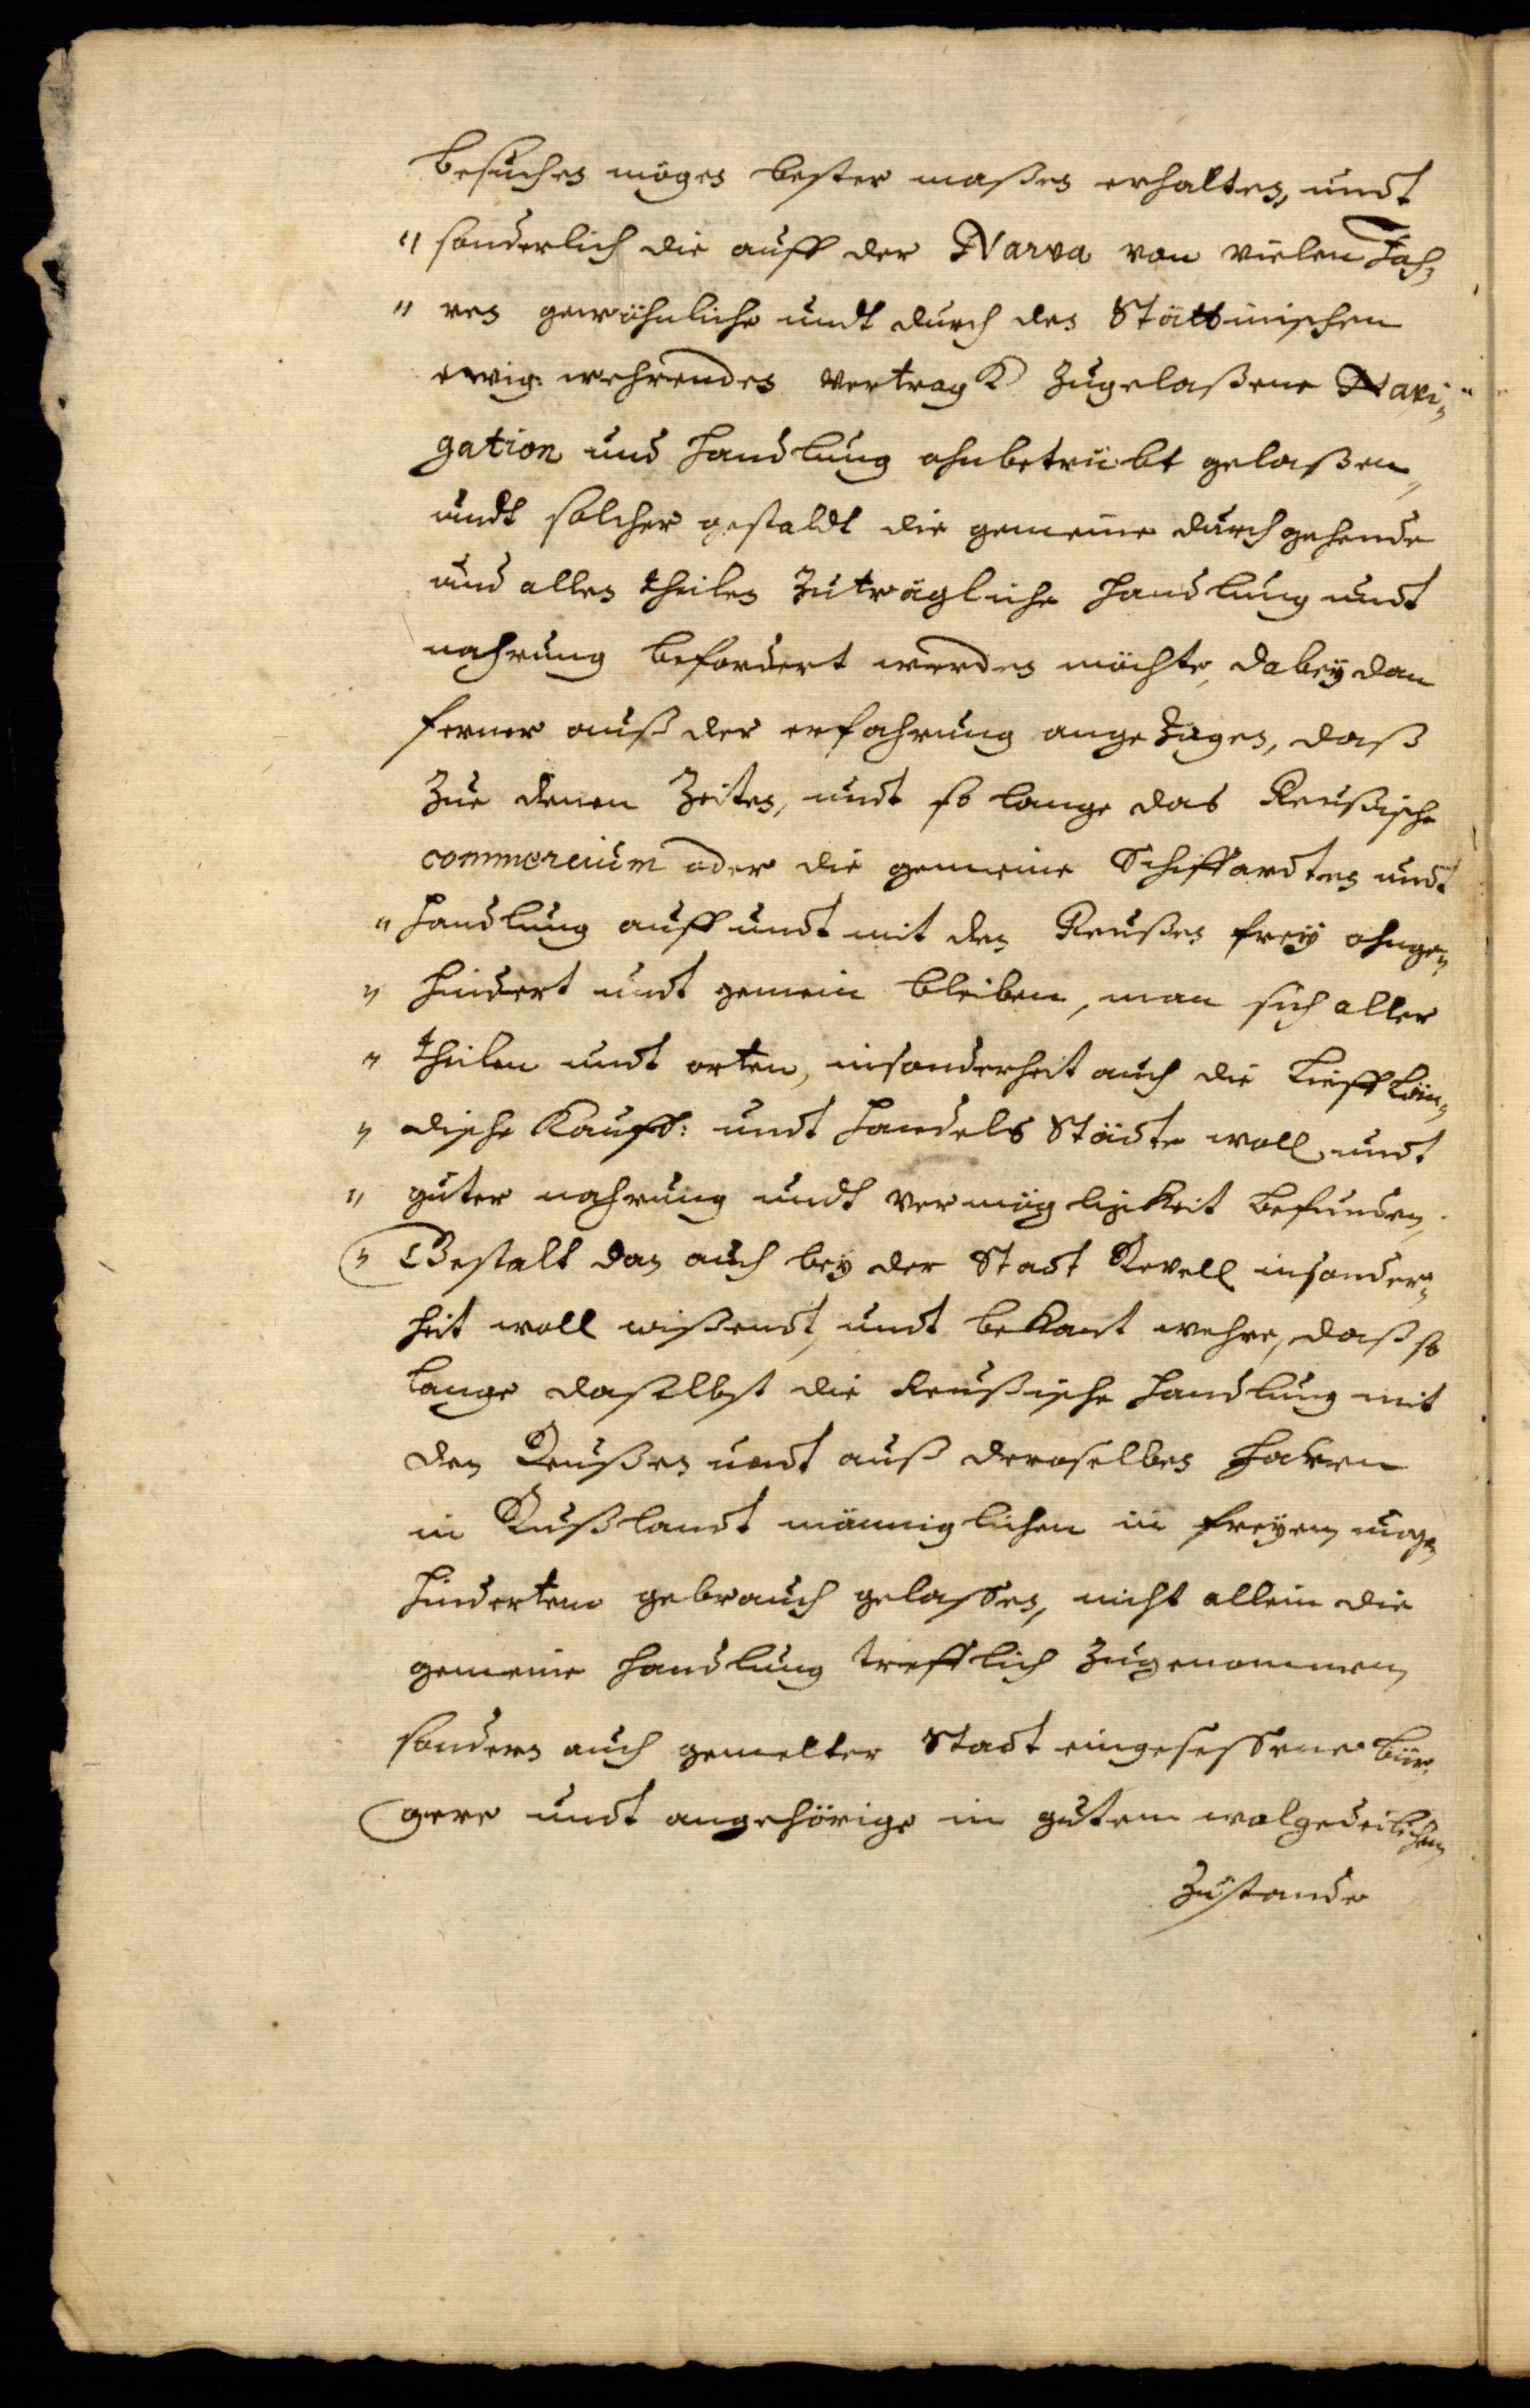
besuchen mögen bester maßen erhalten, undt
sonderlich die auff der Narva von vielen Iah¬
ren gewöhnliche undt durch den Stättinischen
ewig weherenden vertragk zugelaßene Navi¬
gation und handlung ohnbetrübt gelaßen,
undt solcher gestaldt die gemeine durch gehende
und allen theilen zuträgliche handlung undt
nahrung befordert werden möchte, dabeij dan
ferner auß der erfahrung angezugen, daß
zue deren Zeiten, undt so lange das Reußische
commercium oder die gemeine Schiffordtenn undt
handlung auff undt mit den Reußen freij ohnge¬
hindert undt gemein bleiben, man sich aller
theilen undt orten insonderheit auch die Liefflän¬
dische Kauff: undt handels Städte woll undt
guter nahrung undt vermögligkeit befunden,
Gestalt dan auch beij der Stadt Revall insonder¬
heit woll wißendt, undt bekant wehre, daß so
lange daselbst die Reußische handlung mit
den Reußen undt auß deroselben haven
in Rußlandt männiglichen in freijen unge¬
hindertem gebrauch gelassen, nicht allein die
gemeine handlung trefflich zugenommen
sondern auch gemelter Stadt eingesessene bür¬
gere undt angehörige in gutem wolgedeilichen
Zustande
